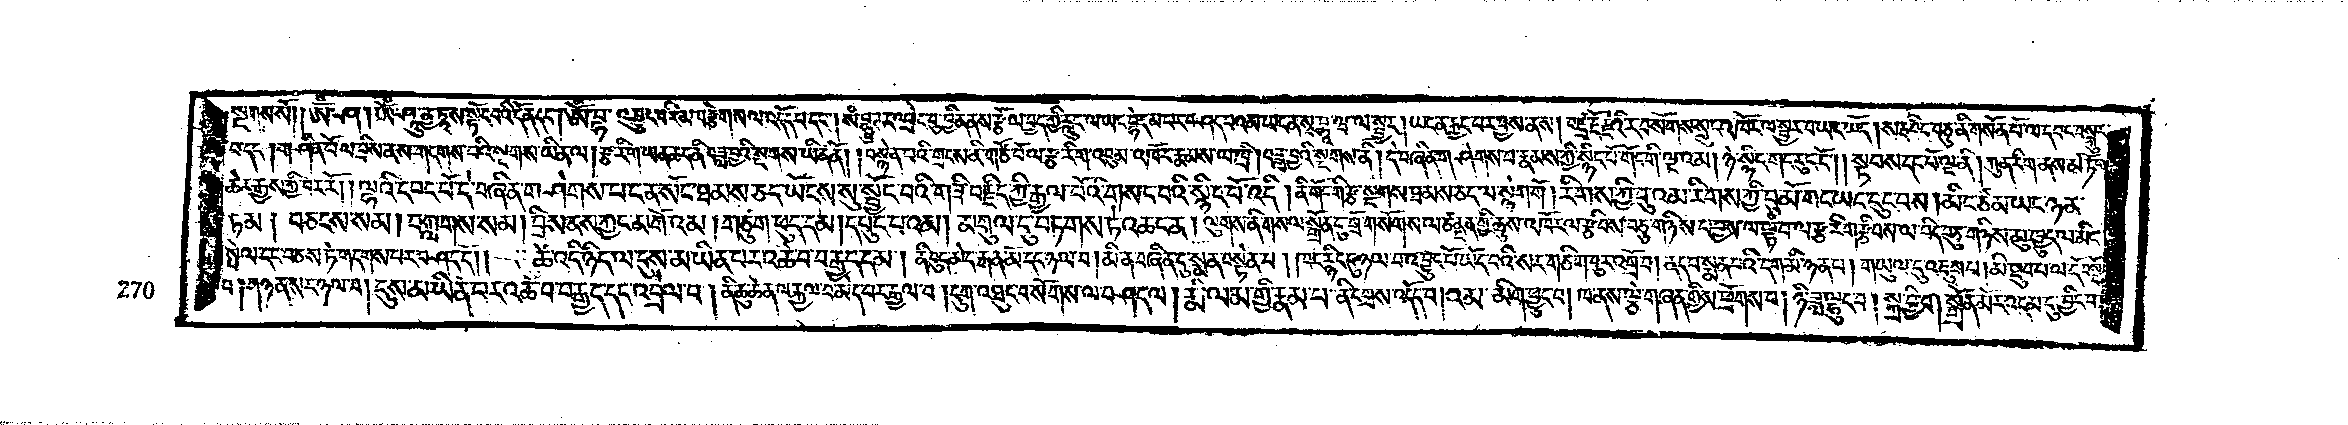སྔགས་སོ། །ཨོཾ་ཤ། ཨོཾ་ཤཱུ་ནཡ་ཏཱས་སྟོང་པའི་དོན་དང་།  ཨོཾ་བྷ་འབྱུང་བ་རིམ་བརྩེགས་ལ་འདོད་པ་དང་། སཾ་བྷུ་ཊར་འགྲིང་?་བུ་བྱིན་ནས་རྩོལ་བྱད་ཀྱི་རླུང་ལ་ཡང་བྷེད་མ་པར་བཤད་པའམ་ཡང་ན་སྭ་བྷཱ་ཝ་ལ་སྦྱར། ཡང་ན་རྐྱང་པར་བྱས་ནས། བཛྲ་རྡོ་རྗེའི་རབ་སོགས་སྲུང་འཁོར་ལ་སྦྱར་བ་ཡང་ཡོད། སརྦ་བིད་བཅུ་ནི་གསོན་པོ་ལ་དབང་བསྐུར་
བ་དང་། གཤིན་པོ་ལ་བྲིས་ནས་གདགས་པའི་སྔགས་ཡིན་ལ། མ་རིག་ཡན་ཆད་ནི་བཟླ་བྱའི་སྔགས་ཡིན་ནོ། །བསྙེན་པའི་གྲངས་ནི་གཙོ་བོ་ལ་རྩ་རིག་འབུམ་འཁོར་རྣམས་ལ་ཁྲི། བཟླ་བྱའི་སྔགས་ནི། དེ་བཞིན་གཤེགས་པ་རྣམས་ཀྱི་སྙིང་པོ་གོང་གི་ལྔ་འམ། ཉེ་སྙིང་གང་རུང་ངོ། །སྔགས་དང་པོ་ལྔ་ནི། ཀུན་རིག་ནས་མེ་ཏོག་
ཆེར་རྒྱས་ཀྱི་བར་རོ། །ལྷའི་དབང་པོ་དེ་བཞིན་གཤེགས་པ་ངན་སོང་ཐམས་ཅད་ཡོངས་སུ་སྦྱོང་བའི་གཞི་བརྗེད་ཀྱི་རྒྱལ་པོའི་གསང་བའི་སྙིང་པོ་འདི། ནི་གོང་གི་རྩ་སྔགས་ཐམས་ཅད་ལ་སྙེག་གོ་།རིགས་ཀྱི་བུ་འམ་རིགས་ཀྱི་བུ་མོ་གང་ཡང་རུང་བས། མིང་ཙམ་ཡང་ཉན་
ཏམ། བཅངས་སམ། བཀླགས་སམ། བྲིས་ནས་ཀྱང་མགོ་འམ། གཙུག་ཕུད་དམ། དཔུང་པའམ། མགུལ་དུ་བཏགས་ཏེ་འཆང་ན། ལུགས་ནི་གསལ་སྒྲོན་དུ་གྲོ་ག་སོགས་ལ་ཙནྡན་གྱི་ཆུས་འཁོར་ལ་རྩིབས་བཅུ་གཉིས་པ་བྱས་ལ་ལྟེ་བ་ལ་རྩ་རིག་རྩིབས་ལ་བིད་བཅུ་གཉིས་མུ་ཁྱུད་ལ་མིང་
སྤེལ་དང་བཅས་ཏེ་གདགས་པར་བཤད་དོ།། .H ཚེ་འདི་ཉིད་ལ་དུས་མ་ཡིན་པར་འཆི་བ་བརྒྱད་དམ། ནི་བུད་མེད་རྒན་མོ་དང་ཉལ་བ། མི་ན་བཞིན་དུ་སྨན་བསྟེན་པ། ཁང་རྙིང་དུ་ཉལ་བ་འབྱུང་པོ་ཡོད་པའི་སར་གཅིག་བུར་འགྲོ་བ། ནད་པ་སྨན་པའི་དག་མི་ཉན་པ། གཡུལ་དུ་འཇུག་པ། མི་ཐུབ་པ་ལ་དོ་བསྔོ་
བ། གཉན་སར་ཉལ་བ། དུས་མ་ཡིན་པར་འཆི་བ་བརྒྱད་དང་འབྲེལ་བ། ནི་ཆུ་ཆེན་ལ་རྐྱལ་བ་མེད་པར་རྒྱལ་བ། དུག་འཐུང་བ་སོགས་ལ་བཤད་ལ།  རྨི་ལམ་གྱི་རྣམ་པ་ནི་དགྲས་འདོད་པ།  འམ་མིག་ཕྱུང་བ། ཁ་ནས་ལྕེ་གཞན་གྱིས་ཕྲོགས་པ། ཉི་ཟླ་ལྷུང་བ། སྐྲ་བྱི་བ། སྒྲེན་མོར་འདམ་དུ་བྱིང་བ་